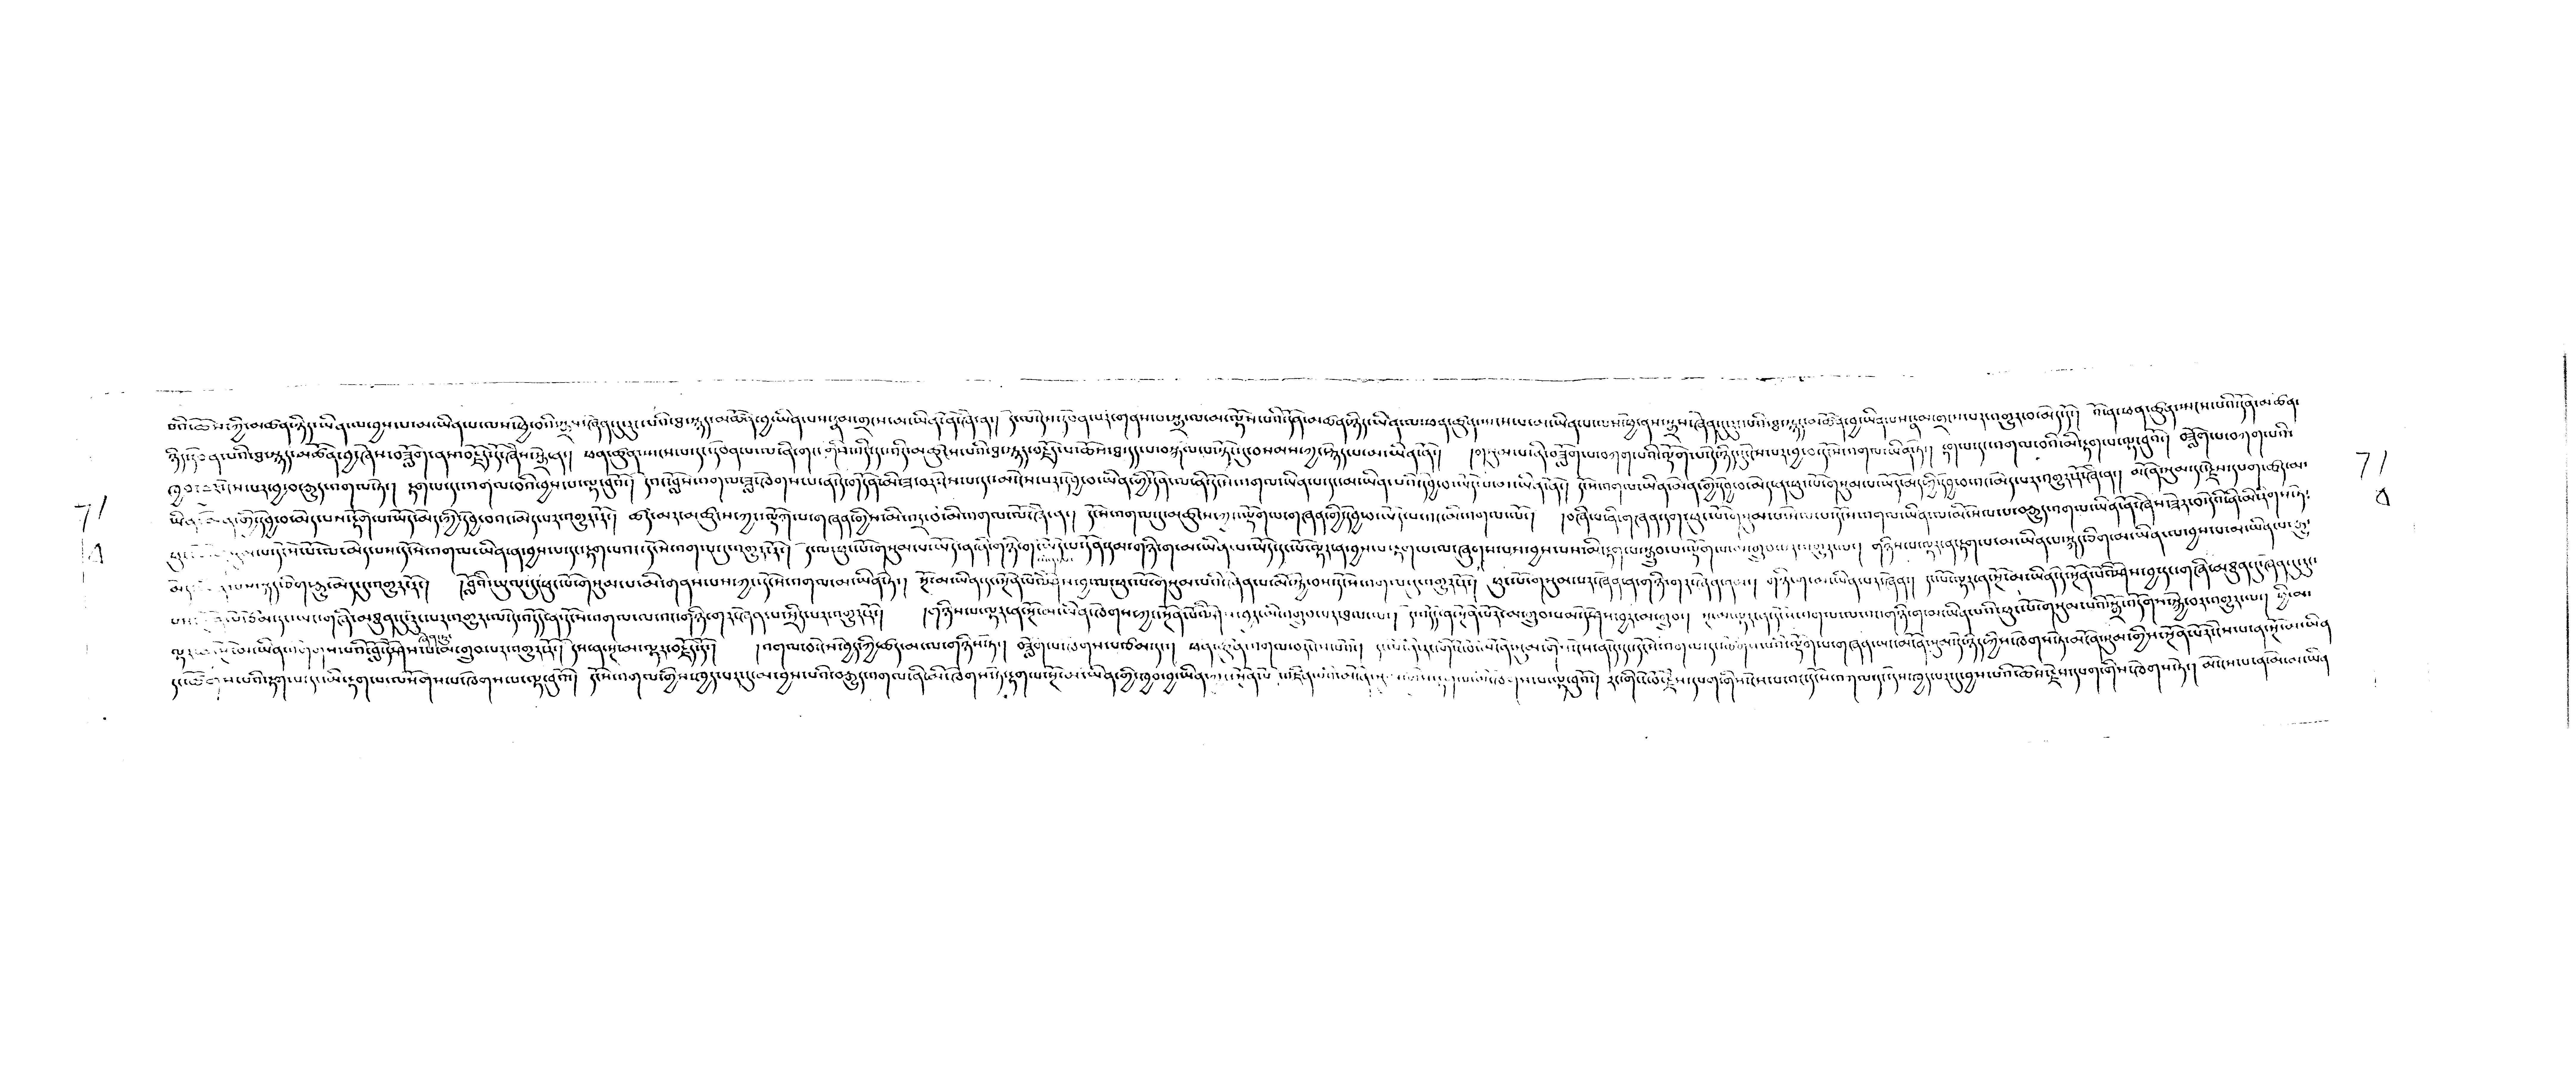བའི་ཆོས་ཀྱི་མཚན་ཉིད་ཡིན་ལ་བྱས་པ་མ་ཡིན་པ་ལས་ཕྱེ་བའི་སྒྲས་ཞེན་དུ་རུང་པའི་ཐ་སྙད་མཚོན་བྱ་ཡིན་པས་རྣམ་གྲངས་མ་ཡིན་ནོ་ཞེ་ན། དེ་ལ་དེས་དབེན་པར་གནས་པ་སྒྲ་ལ་མ་ལྟོས་པའི་དོན་མཚན་ཉིད་ཡིན་ལ་ཕན་ཚུན་སྤངས་པ་མ་ཡིན་པ་ལས་ཕྱེ་ནས་སྒྲས་ཞེན་དུ་རུང་པའི་ཐ་སྙད་མཚོན་བྱ་ཡིན་པས་རྣམ་གྲངས་པར་འགྱུར་བ་མེད་དོ། འོ་ན་ཕན་ཚུན་སྤངས་པའི་དོན་མཚན་
ཉིད་དབེན་པའི་ཐ་སྙད་མཚོན་བྱ་ཞེས་བཟློག་ནས་བརྗོད་དོ་ཞེས་སྒྲོ་ན། ཕན་ཚུན་སྤངས་པ་དང་དབེན་པ་ལ་ནི་གང་གིས་འདི་དང་འདི་མཚུངས་པའི་ཐ་སྙད་བརྗོད་པ་ཆོས་ཐ་དད་པ་བསྐལ་པ་སྟོང་དུ་བསམས་ཀྱང་རྙེད་པ་མ་ཡིན་ནོ། །གསུམ་པ་ནི་བཟློག་པ་བཀག་པའི་ལྡོག་པ་དེ་ཉིད་དུ་ངེས་པར་བྱ་བ་དངོས་འགལ་ཡིན་ཏེ། རྟག་པ་དང་འགལ་བའི་མི་རྟག་པ་ལྟ་བུའོ། བཟློག་པ་བཀག་པའི་
ཁྱབ་བྱར?་ངེས་པར་བྱ་བ་རྒྱུད་འགལ་ཏེ། རྟག་པ་དང་འགལ་བའི་བྱས་པ་ལྟ་བུའོ། དེའང་བློས་འགལ་ཟླ་ཁེགས་པ་ན་དེ་གདོན་མི་ཟ་བར་ངེས་པ་དང་མ་ངེས་པར་དབྱེ་བ་ཡིན་གྱི་དོན་ལ་ནི་དངོས་འགལ་ཡིན་པ་དང་མ་ཡིན་པའི་དབྱེ་བ་ཡོད་པ་མ་ཡིན་ནོ། དངོས་འགལ་ཡིན་མེན་གྱི་དབྱེ་བ་མེད་ན་ཕུང་པོ་གསུམ་པ་ཡོད་མེད་ཀྱི་དབྱེ་བ་འང་མེད་པར་འགྱུར་རོ་ཞེ་ན། མངོན་སུམ་དང་རྗེས་དཔག་ཚད་མ་
ཡིན་མེན་གྱི་དབྱེ་བ་མེད་པས་རྟོག་པ་ཡོད་མེད་ཀྱི་དབྱེ་བའང་མེད་པར་འགྱུར་རོ། ཚད་མར་མཚུངས་ཀྱང་ལྡོག་པ་གཞན་གྱིས་མི་འདྲ་བ་མི་འགལ་ལོ་ཞེ་ན། དངོས་འགལ་དུ་མཚུངས་ཀྱང་ལྡོག་པ་གཞན་གྱི་དབྱེ་བ་ཡོད་པ་འང་མི་འགལ་ལོ། །བཞི་པ་ནི་གཞན་དག་ཕུང་པོ་གསུམ་པ་སེལ་པ་དངོས་འགལ་ཡིན་ལ་མི་སེལ་པ་བརྒྱུད་འགལ་ཡིན་ནོ་ཞེས་ཟེར་བ་དེའི་ནི་མི་རིགས་ཏེ་
ཕུང་པོ་?་པ་དངོས་པོ་ལ་མེད་པས་དངོས་འགལ་ཡིན་ན་བྱས་པ་དང་རྟག་པའང་དངོས་འགལ་དུ་འགྱུར་རོ། དེ་ལ་ཕུང་པོ་གསུམ་པ་ཡོད་ན་ནི་གཉི་ག་མེད་ལ་ཡོད་པ་དོན་དམ་གཉི་ག་མ་ཡིན་པ་ཡོད་དང་པོ་ལྟར་ན་བྱས་པ་རྟག་པ་ལ་ཞུགས་པས་བྱས་པས་མི་རྟག་པ་སྒྲུབ་པ་ལྡོག་པ་མ་གྲུབ་པར་འགྱུར་པ། གཉིས་པ་ལྟར་ན་རྟག་པ་མ་ཡིན་པ་སྐད་ཅིག་མ་ཡིན་ལ་བྱས་པ་མ་ཡིན་པ་རྒྱུ་
མེད་?་པས་སྐད་ཅིག་རྒྱུ་མེད་དུ་འགྱུར་རོ། །བློའི་ཡུལ་དུ་ཕུང་པོ་གསུམ་པ་མི་གནས་པས་ཀྱང་དངོས་འགལ་མ་ཡིན་ཏེ། སྔོ་མ་ཡིན་དང་སྔོན་པོའི་ཤེས་བྱ་ལ་ཕུང་པོ་གསུམ་པའི་ཞེན་པ་མི་སྐྱེ་བས་དངོས་འགལ་དུ་འགྱུར་རོ། ཕུང་པོ་གསུམ་པར་ཞེན་ན་གཉི་གར་ཞེན་ནམ། གཉི་ག་མ་ཡིན་པར་ཞེ་ན། དང་པོ་ལྟར་ན་སྔོ་མ་ཡིན་དེ་སྔོན་པོའི་ཤེས་བྱ་དང་གཞི་མཐུན་དུ་ཞེན་དུ་རུང་
པས་སྔོན་པོ་ཙམ་དང་ཡང་གཞི་མཐུན་དུ་རུང་པར་འགྱུར་ལ་དེ་འདོད་ན་དངོས་འགལ་ལ་འང་གཉི་གར་ཞེན་པ་སྲིད་པར་འགྱུར་རོ། །གཉིས་པ་ལྟར་ན་སྔོ་མ་ཡིན་ཁེགས་ཀྱང་སྔོན་པོའི་ཤེས་བྱར་མི་འགྲུབ་པར་ཐལ་ལ། དེ་འདོད་ན་སྔོན་པོར་མ་གྲུབ་པམ་དེ་ཤེས་བྱར་མ་གྲུབ། སྔ་མ་ལྟར་ན་དངོས་འགལ་ལ་འང་གཉི་ག་མ་ཡིན་པའི་ཕུང་པོ་གསུམ་པའི་སྒྲོ་འདོགས་སྐྱེ་བར་འགྱུར་ལ། ཕྱི་མ་
ལྟར་ན་སྔོ་མ་ཡིན་འགེགས་པའི་བློ་དེ་ཤེས་པ་མ་གྲུབ་པར་འགྱུར་རོ། དེས་ན་སྔ་མ་ལྟར་བརྗོད་དོ། །འགལ་བ་ངེས་བྱེད་ཀྱི་ཚད་མ་ལ་གཉིས་ཏེ། བཟློག་པ་ཁེགས་པ་ཙམ་དང་། ཕན་ཚུན་འགལ་བར་ངེས་པའོ། དང་པོ་ནི་རང་གི་ངོ་བོ་མངོན་སུམ་གྱིས་ངེས་ན་དེ་དང་དངོས་འགལ་དང་ཚོགས་པའི་ལྡོག་པ་གཞན་ཡང་མངོན་སུམ་དེ་ཉིད་ཀྱིས་ཁེགས་ཏེ་མངོན་སུམ་གྱིས་སྔོན་པོར་ངེས་པ་ན་སྔོ་པ་ཡིན་
དང་ཚོགས་པའི་རྟག་པ་དང་མི་རྟག་པ་ལ་སོགས་པ་ཁེགས་པ་ལྟ་བུའོ། དངོས་འགལ་གྱིས་ཁྱད་པར་དུ་མ་བྱས་པའི་བརྒྱུད་འགལ་ནི་མི་ཁེགས་ཏེ་རྟགས་སྔོ་མ་ཡིན་གྱི་ཁྱབ་བྱ་ཡིན་ཀྱང་སྔོན་པོ་འཛིན་པའི་མངོན་སུམ་གྱིས་རྟག་པ་མི་ཁེགས་པ་ལྟ་བུའོ། རང་གི་ངོ་བོ་རྗེས་དཔག་གིས་ངེས་པ་འང་དངོས་འགལ་དང་དེས་ཁྱད་པར་དུ་བྱས་པའི་ཆོས་རྗེས་དཔག་གིས་ཁེགས་ཏེ། མེ་ངེས་པ་ན་མེ་མ་ཡིན་